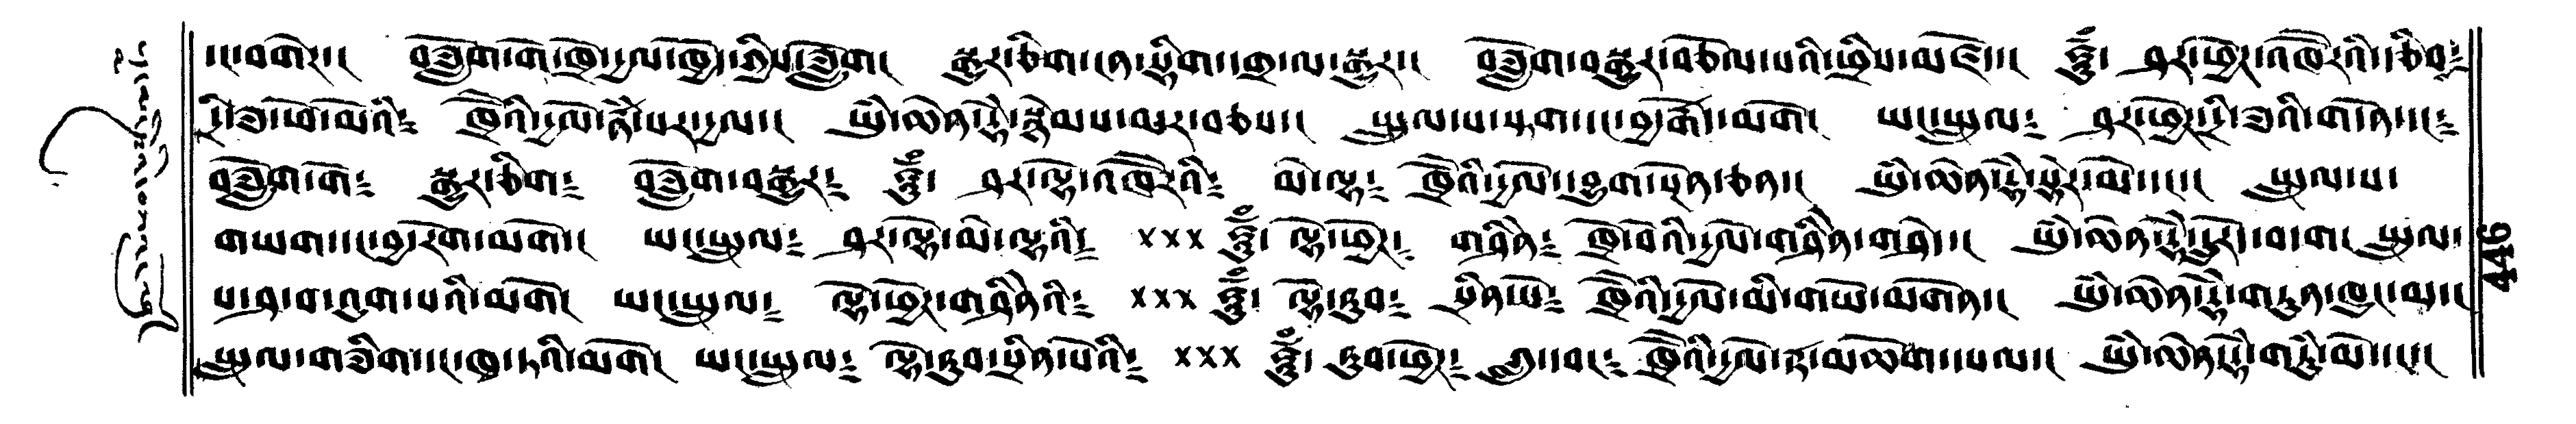དང་བགེགས། །བཟློག་གོ་ཁྲོ་རྒྱལ་ཁྱོད་ཀྱིས་ཟློག །སྒྱུར་ཅིག་ངན་སྡིག་དགྲ་ལ་སྒྱུར། །བཟློག་བསྒྱུར་བཅོལ་པའི་ཕྲིན་ལས་མཛོད། ཧཱུྃ། ཤར་ཕྱོགས་འཁོར་ལོའི་རྩིབས༴ 
དྲི་ཟ་ཕོ་མོའི༴ ཁྲོ་བོའི་རྒྱལ་པོ་རྣམ་པར་རྒྱལ། །ཡུམ་ཆེན་རྡོ་རྗེ་སྙེམས་མར་བཅས། །སྤྲུལ་པ་སྟག་དང་བྱ་རྒོད་མགོ །ཡང་སྤྲུལ༴ ཤར་ཕྱོགས་དྲི་ཟའི་གདོན་དང༴ 
བཟློག་གོ༴ སྒྱུར་ཅིག༴ བཟློག་བསྒྱུར༴ ཧཱུྃ། ཤར་ལྷོ་འཁོར་ལོའི༴ མེ་ལྷ༴ ཁྲོ་བོའི་རྒྱལ་པོ་དབྱུག་སྔོན་ཅན། ཡུམ་ཆེན་རྡོ་རྗེ་སྡེར་མོ་དང་། །སྤྲུལ་པ་
གཡག་དང་བྱ་རོག་མགོ །ཡང་སྤྲུལ༴ ཤར་ལྷོ་མེ་ལྷའོ༴ ༴༴༴ ཧཱུྃ། ལྷོ་ཕྱོགས༴ གཤིན་རྗེ༴ ཁྲོ་བོའི་རྒྱལ་པོ་གཤིན་རྗེ་གཤེད། ཡུམ་ཆེན་རྡོ་རྗེ་དུར་ཁྲོད་བདག སྤྲུལ་
པ་ཤ་བ་འུག་པའི་མགོ ཡང་སྤྲུལ༴ ལྷོ་ཕྱོགས་གཤིན་རྗེའི༴ ༴༴༴ ཧཱུྃ། ལྷོ་ནུབ་༴ སྲིན་པོ༴ ཁྲོ་བོའི་རྒྱལ་པོ་མི་གཡོ་མགོན། །ཡུམ་ཆེན་རྡོ་རྗེ་གཏུན་ཁུང་མ། །
སྤྲུལ་པ་གཟིག་དང་ཁྭ་ཏའི་མགོ །ཡང་སྤྲུལ༴ ལྷོ་ནུབ་སྲིན་པོའི༴ ༴༴༴ ཧཱུྃ། ནུབ་ཕྱོགས༴ ཀླུ་དབང༴ ཁྲོ་བོའི་རྒྱལ་པོ་རྟ་མཆོག་དཔལ། །ཡུམ་ཆེན་རྡོ་རྗེ་གཏུམ་མོ་དང་།